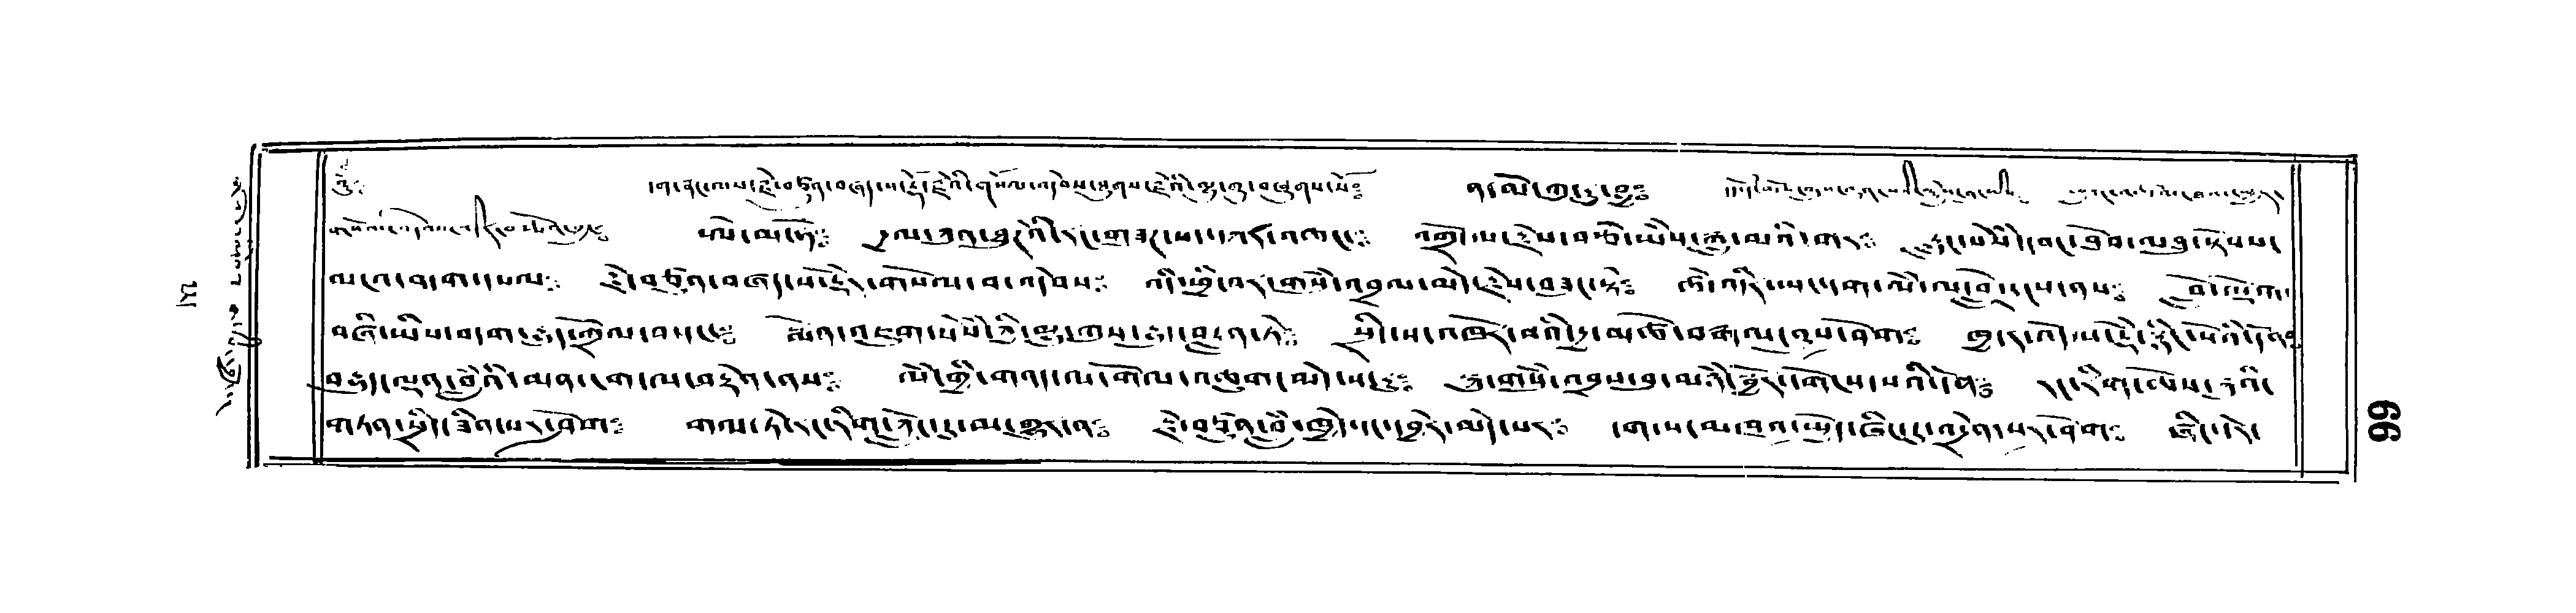དག་སྣང་ལས་རྗེ་བཙུན་བཞད་པ་རྡོ་རྗེའི་གསོལ་འདེབས་ཐུགས་རྗེའི་མྱུ་གུ་བཞུགས་སོ༔ ན་མོ་གུ་རུ་བྷྱཿ དད་དམ་མོས་གུས་ལྡན་པའི་སྐྱེས་བུ་ཡིས༔ ཕྱག་འཚལ་ཐལ་བྱར་
གསོལ་འདེབས་འདིར་བརྩོན་བྱ༔ ཨེ་མ་ཧོ༔ རྒྱལ་ཀུན་ཐུགས་རྗེའི་རང་གཟུགས་པད་དཀར་འཆང༔ འགྲོ་ལ་རྗེས་བརྩེ་ཡེ་ཤེས་སྒྱུ་མའི་གར༔ རླུང་སེམས་དབང་ཐོབ་མཐུ་སྟོབས་
མངའ་བདག་དཔལ༔ རྗེ་བཙུན་བཞད་པ་རྡོ་རྗེར་གསོལ་བ་འདེབས༔ འདི་ཕྱི་བར་གསུམ་འབྲལ་མེད་རྗེས་བཟུང་སྟེ༔ ཚེ་འདིར་ཡང་དག་ལམ་ལ་བློ་དྲངས་ནས༔ བློ་ལྡོག་
བཞི་ཡིས་བདག་རྒྱུད་གྲོལ་བ་དང༔ སྨོན་འཇུག་སེམས་ཀྱི་མྱུ་གུས་རྒྱུད་བརླན་ཏེ༔ སྲིད་པ་འཁོར་བའི་རྒྱ་མཚོ་བརྒལ་ནུས་ཤོག༔ ཁྱད་པར་འོད་གསལ་རྡོ་རྗེ་སྙིང་པོའི་དོན༔ 
བརྒྱུད་ལྡན་བླ་མའི་མན་ངག་ལ་བརྟེན་ནས༔ ལམ་གྱི་གནད་ལ་གོལ་འཆུག་མེད་པ་རུ༔ སྐུ་གསུམ་འབྲས་བུ་མཉམ་སྦྱོར་དགོངས་པའི་དོན༔ རང་རིག་ཆོས་སྐུའི་
གཏན་སྲིད་ཟིན་པར་ཤོག༔ གལ་ཏེ་རང་རིག་ཀློང་དུ་མ་གྱུར་ན༔ རྗེ་བཙུན་བླ་མ་ཁྱེད་དང་དབྱེར་མེད་པར༔ དག་པ་མཁའ་སྤྱོད་ཞིང་དུ་འདྲེན་པར་ཤོག༔ ཞིང་དེར་